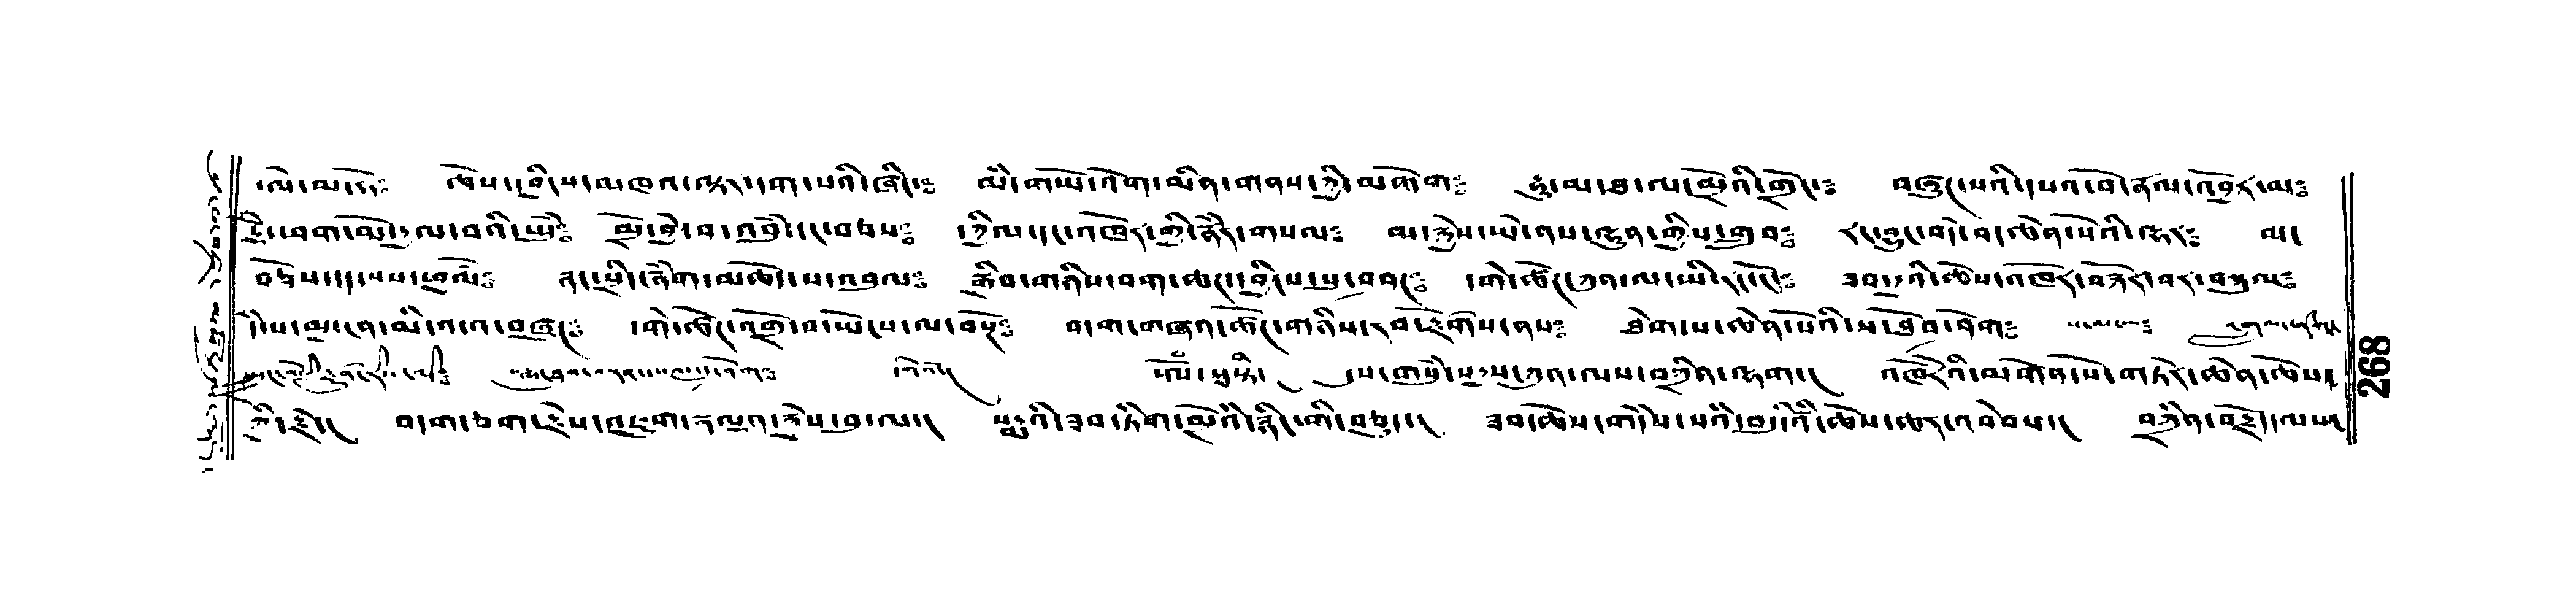ཨེ་མ་ཧོཿ ཆོས་དབྱིངས་མཁའ་ལྟར་དག་པའི་ཞིང༔ མི་གཡོ་འོག་མིན་གནས་ཀྱི་མཆོག༔ དྷུ་མ་ཐ་ལ་མཁའ་འགྲོའི་གྲོང༔ བཞུགས་པའི་དཔའ་བོ་རྣལ་འབྱོར་མ༔ 
རྡོ་རྗེ་ཕག་མོ་རྒྱལ་བའི་ཡུམ༔ མཁའ་འགྲོ་བྱེ་བ་འབུམ་དང་བཅས༔ དཀྱིལ་དང་འཁོར་གྱི་རྣམ་པར་གསལ༔ མ་སྐྱེས་ཡེ་ནས་ལྷུན་གྱིས་གྲུབ༔ རང་བྱུང་བདེ་བ་ཆེན་པོའི་ལྷར༔ མ་
བཅོས་དད་པས་ཕྱག་འཚལ་ལོ༔ སྣང་སྲིད་རྣམ་དག་མཆོད་པ་འབུལ༔ སྒྲིབ་གཉིས་བག་ཆགས་དབྱིངས་སུ་བཤགས༔ དགེ་ཚོགས་ཀུན་ལ་ཡི་རང་ངོ༔ ཟབ་རྒྱའི་ཆོས་འཁོར་བསྐོར་བར་བསྐུལ༔ 
དམ་པ་མྱ་ངན་མི་འདའ་བཞུགས༔ དགེ་ཚོགས་འགྲོ་བ་ཡོངས་ལ་བསྔོ༔ བདག་གཞན་ཚོགས་གཉིས་རབ་རྫོགས་ནས༔ ཐེག་པ་ཆེན་པོའི་ས་ཐོབ་ཤོག༔ ས་མ་ཡ༔ འཁྲུལ་ཞིག་
སྤྲང་མོའི་རྫུན་རིས་འདི། །པདྨ་ཐུབ་བསྟན་དཔལ་དུ་ཤོག དགེའོ།། ཨོཾ་སྭ་སྟི། དུས་གསུམ་སངས་རྒྱས་ཀུན་ལས་བཀའ་དྲིན་ལྷག །འཁོར་ལོའི་མགོན་པོ་གཏེར་ཆེན་ཆོས་
ཀྱི་རྗེ། །བདག་ཅག་རྗེས་འཇུག་སྐལ་ལྡན་སྐྱེས་བུ་ལ། །པདྨའི་ཟབ་ཏིག་མཁའ་འགྲོའི་སྙིང་གི་བཅུད། །ཟབ་ཆོས་གདམས་པའི་བདུད་རྩིའི་ཆོས་ཆར་འབེབས། །བཀའ་དྲིན་བརྗོད་ལས་